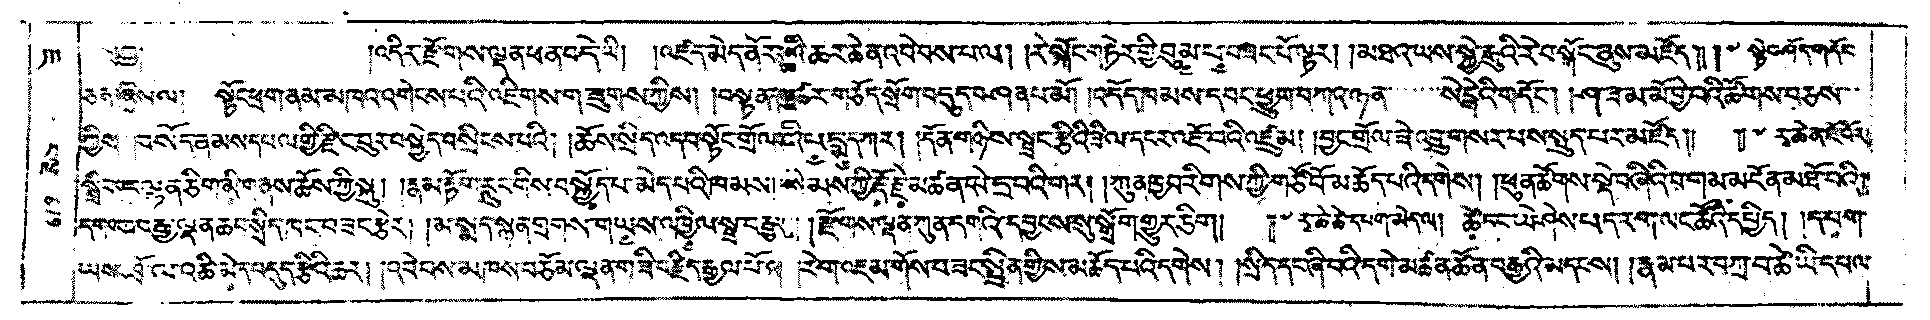༄༅། །འདིར་རྫོགས་ལྡན་ཕན་བདེ་ཡི། །འཛད་མེད་ནོར་བུའི་ཆར་ཆེན་འབེབས་པ་ལ། །རེ་སྐོང་གཏེར་གྱི་བུམ྾་པ྾་བཟང་པོ་ལྟར། །མཐའ་ཡས་སྐྱེ་རྒུའི་རེ་བ་སྐོང་ནུས་མཛོད།། །།༧་སྟེང་ཤོད་གདོང་
ཅན་གཉིས་ལ། སྟོང་ཕྲག་ནམ་མཁའ་འགེངས་པའི་འཇིགས་གཟུགས་ཀྱིས། །བསྟན་དགྲ་ཚར་གཅོད་སྲོག་བདུད་བཤན་པ་མོ། །འདོད་ཁམས་དབང་ཕྱུག་བཀའ་ཉན་སེངྒེའི་གདོང་། །ཤ་ཟ་མ་མོ་བྱེ་བའི་ཚོགས་བཅས་
ཀྱིས། །བསོད་ནམས་དཔལ་གྱི་རྫིང་བུར་བསྐྱེད་བསྲིངས་པའི། །ཆོས་སྲིད་འདབ་སྟོང་གྲོལ་བའི་པད྾མ྾་དཀར། །དོན་གཉིས་སྦྲང་རྩིའི་ཟིལ་དངར་འཇོ་བའི་འཛུམ། །བྱང་གྲོལ་ཟེ་འབྲུ་གསར་པས་སྤུད་པར་མཛོད།། །།༧་རྭ་ཆེན་ཇོ་བོར།
སྒྲིབ་དང་ལྷན་ཅིག་མི྾་གནས་ཆོས་ཀྱི་སྐུ། །རྣམ་རྟོག་རླུང་གིས་བསྐྱོད྾་པ་མེད་པའི་ཁམས། །སེམས་ཀྱི་རྡོ྾་རྗེ྾་མཚན་དཔེ་དྲ་བའི་གར། །ཀུན་ཁྱབ་རིགས་ཀྱི་གཙོ་བོ་མཆོད་པའི་དགེས། །ཕུན་ཚོགས་སྡེ་བཞིའི་བ་གམ་མངོན་མཐོ་བའི། །
དགའ་བ་བརྒྱ་ལྡན་ཆབ་སྲིད་ཁང་བཟང་རྩེར། །མ་སྨད་སྙན་གྲགས་གཡས྾་འཁྱིལ྾་སྒྲ་བརྒྱ་པ། །རྫོགས་ལྡན་ཀུན་དགའི་དབྱངས་སུ་སྒྲོག་གྱུར་ཅིག ། །།༧་རྭ་ཆེ་ཚེ་དཔག་མེད་ལ།  ཚེ྾་དང་ཡེ་ཤེས་པད་རག་ལང་ཚོའི་དཔྱིད། །དཔག྾་
ཡས་འགྲོ་ལ་འཆི་མེད྾་བདུད་རྩིའི་ཆར། །འབེབས་མཁས་བཅོམ་ལྡན་གཟི་བརྗིད་རྒྱལ་པོ་ལ། །རེག་འཇམ་གོས྾་བཟང་སྤྲིན་གྱིས་མཆོད་པའི་དགེས། །སྲིད་དང་ཞི་བའི་དགེ་མཚན་ཚོན་བརྒྱའི་མདངས། །རྣམ་པར་བཀྲ་བ་ཚེ་ཡི་དཔལ་